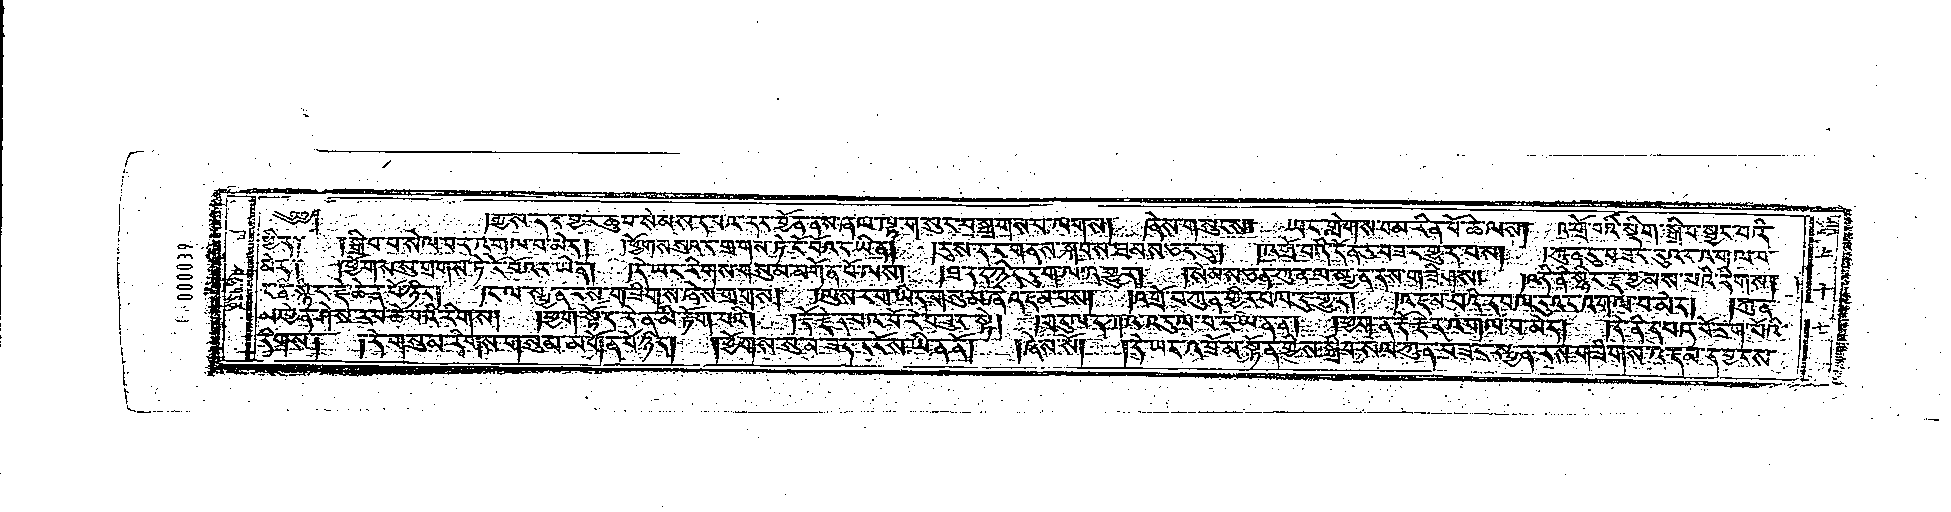༄༅། །རྒྱས་དང་བྱང་ཆུབ་སེམས་དཔའ་རང་བྱོན་ནས་ཞལ་ལྟ་གསུང་བསྒྲགས་པ་ལགས། ཞེས་གསུངས། ཡང་གླེགས་བམ་རིན་པོ་ཆེ་ལས། འགྲོ་བའི་སྡིག་སྒྲིབ་སྦྱང་བའི་
ཕྱིར༑ ༑སྒྲིབ་པ་སེལ་བར་འགལ་བ་མེད། །ཕྱོགས་སུའང་གྲགས་ཏེ་ངོ་བོའང་ཡིན། །དུས་དང་གནས་སྐབས་ཐམས་ཅད་དུ། །འགྲོ་བའི་དོན་དུ་བཟང་གྱུར་པས། །ཀུན་དུ་བཟད་དུའང་འགལ་བ་
མེད༑ །ཕྱོགས་སུ་གྲགས་ཏེ་ངོ་བོའང་ཡིན། །དེ་ཡང་རིགས་གསུམ་མགོན་པོ་ལས། །ཐ་དད་ཉིད་དུག་ལ་འགྱུར། །སེམས་ཅན་ཀུན་ལ་སྤྱན་རས་གཟིགས། །འདི་ནི་སྙིང་རྗེ་བྱམས་པའི་རིགས། །
ང་ནི་སྙིང་རྗེ་ཆེན་པོ་ཉིད། །ང་ལ་སྤྱན་རས་གཟིགས་ཞེས་གྲགས། །ལུས་ངག་ཡིད་གསུམ་ཞི་འཇམ་པས། །འགྲོ་བ་ཀུན་གྱི་དཔལ་དུ་གྱུར། །འཇམ་པའི་དཔལ་དུའང་འགལ་བ་མེད། །ཀུན་
མཁྱེན་ཤེས་རབ་ཆེ་བའི་རིགས། །ཕྱག་སྟོང་རེ་ན་མི་རྟོག་པའི། །རྡོ་རྗེ་དཔའ་བོ་རེ་བཟུང་སྟེ། །གདུལ་དཀའ་འདུལ་བ་ད་ཡིན་ན། །ཕྱག་ན་རྡོ་རྗེར་འགལ་བ་མེད། །དེ་ནི་དཔའ་བོ་དྲག་པོའི་
རིགས༑ ༑དེ་གསུམ་རགས་གསུམ་མགོན་པོ་ཉིད། །ཕྱོགས་སུམ་ཟད་དངོས་ཡིན་ནོ། །ཞེས་སོ། །དེ་ཡང་འབྲོམ་སྟོན་གྱིས་སྒྲིབ་སེལ་ཀུན་བཟང་སྤྱན་རས་གཟིགས་འཇམ་དབྱངས་